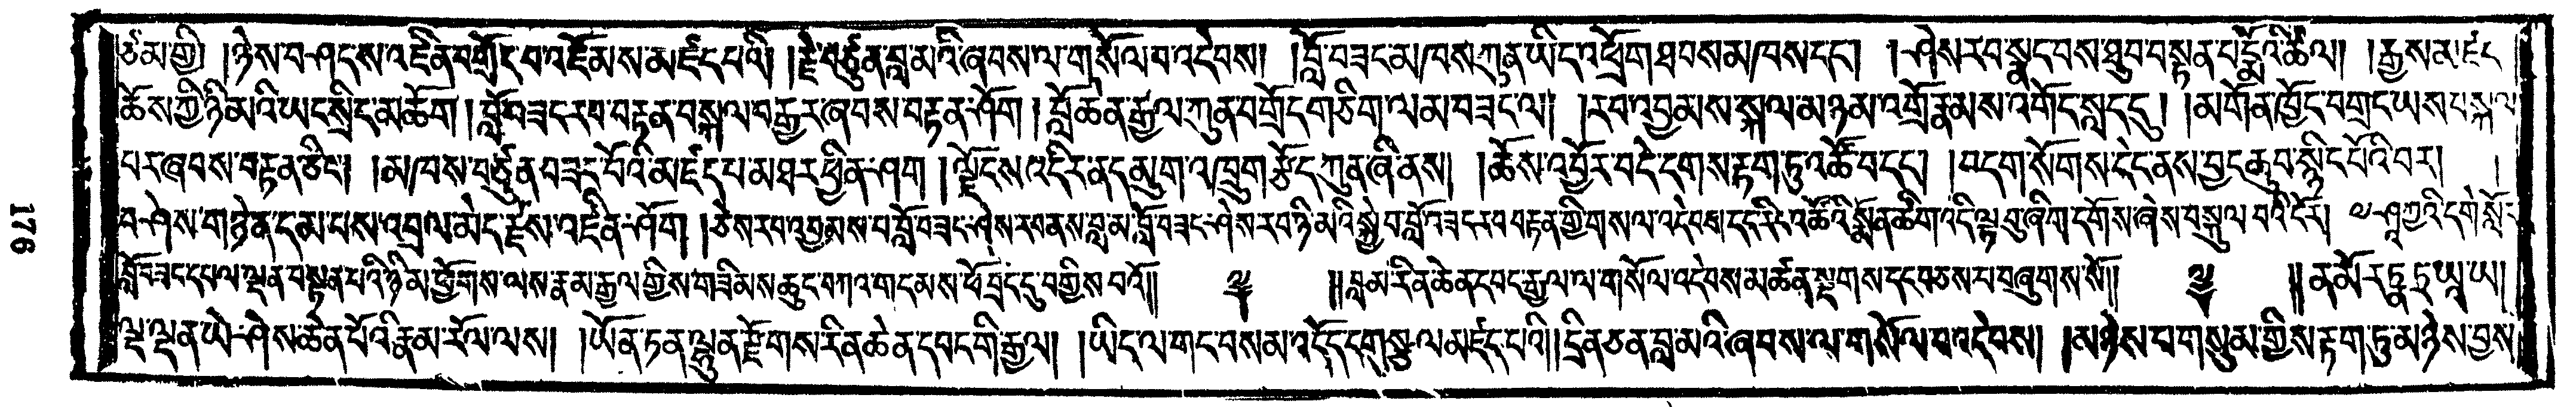ཙམ་གྱི། །ཉེས་བཤད་ས་འཛིན་བགྲོང་བ་འཇོམས་མཛད་པའི། །རྗེ་བཙུན་བླ་མའི་ཞབས་ལ་གསོལ་བ་འདེབས། །བློ་བཟང་མཁས་ཀུན་ཡིད་འཕྲོག་ཐབས་མཁས་དང་། །ཤེས་རབ་སྣང་བས་ཐུབ་བསྟན་པདམོའི་ཚལ། །རྒྱས་མཛད་
ཆོས་ཀྱི་ཉི་མའི་ཡང་སྲིང་མཆོག །བློ་བཟང་རབ་བརྟན་བསྐལ་བརྒྱར་ཞབས་བརྟན་ཤོག །བློ་ཆེན་རྒྱལ་ཀུན་བགྲོད་གཅིག་ལམ་བཟང་ལ། །རབ་འབྱམས་སྐལ་མཉམ་འགྲོ་རྣམས་འགོད་སླད་དུ། །མགོན་ཁྱོད་བགྲང་ཡས་བསྐལ་
པར་ཞབས་བརྟན་ཅིང་། །མཁས་བཙུན་བཟང་པོའི་མཛད་པ་མཐར་ཕྱིན་ཤག །ལྗོངས་འདིར་ནད་མུག་འཁྲུག་རྩོད་ཀུན་ཞི་ནས། །ཆོས་འབྱོར་བདེ་དགས་རྟག་ཏུ་འཚོ་བ་དང་། །བདག་སོགས་དེང་ནས་བྱང་ཆུབ་སྙིང་པོའི་བར། །
བཤེས་གཉེན་དམ་པས་འབྲལ་མེད་རྗེས་འཛིན་ཤོག །ཅེས་རབ་འབྱམས་པ་བློ་བཟང་ཤེས་རབ་ནས་བླ་མ་བློ་བཟང་ཤེས་རབ་ཉི་མའི་སྐྱེ་བ་བློ་བཟང་རབ་བརྟན་གྱི་གསལ་འདེབས་དང་རིང་འཚོའི་སྨོན་ཚིག་འདི་ལྟ་བུ་ཞིག་དགོས་ཞེས་བསྐུལ་བའི་ངོར། ༧་ཤཱཀྱའི་དགེ་སློང་
བློ་བཟང་དཔལ་ལྡན་བསྟན་པའི་ཉི་མ་ཕྱོགས་ལས་རྣམ་རྒྱལ་གྱིས་གཟིམས་ཆུང་བཀའ་གདམས་ཕོ་བྲང་དུ་བགྱིས་བའོ།། ༈ །།བླ་མ་རིན་ཆེན་དབང་རྒྱལ་ལ་གསོལ་འདེབས་མཚན་སྔགས་དང་བཅས་པ་བཞུགས་སོ།། ༈ །།ན་མོ་རཏྣ་ཏྲ་ཡཱ་ཡ།
ལྔ་ལྡན་ཡེ་ཤེས་ཆེན་པོའི་རྣམ་རོལ་ལས། །ཡོན་ཏན་ལྷུན་རྫོགས་རིན་ཆེན་དབང་གི་རྒྱལ། །ཡིད་ལ་གང་བསམ་འདོད་དགུ་སྩལ་མཛད་པའི། །དྲིན་ཅན་བླ་མའི་ཞབས་ལ་གསོལ་བ་འདེབས། །མཉེས་བ་གསུམ་གྱིས་རྟག་ཏུ་མཉེས་བྱས་